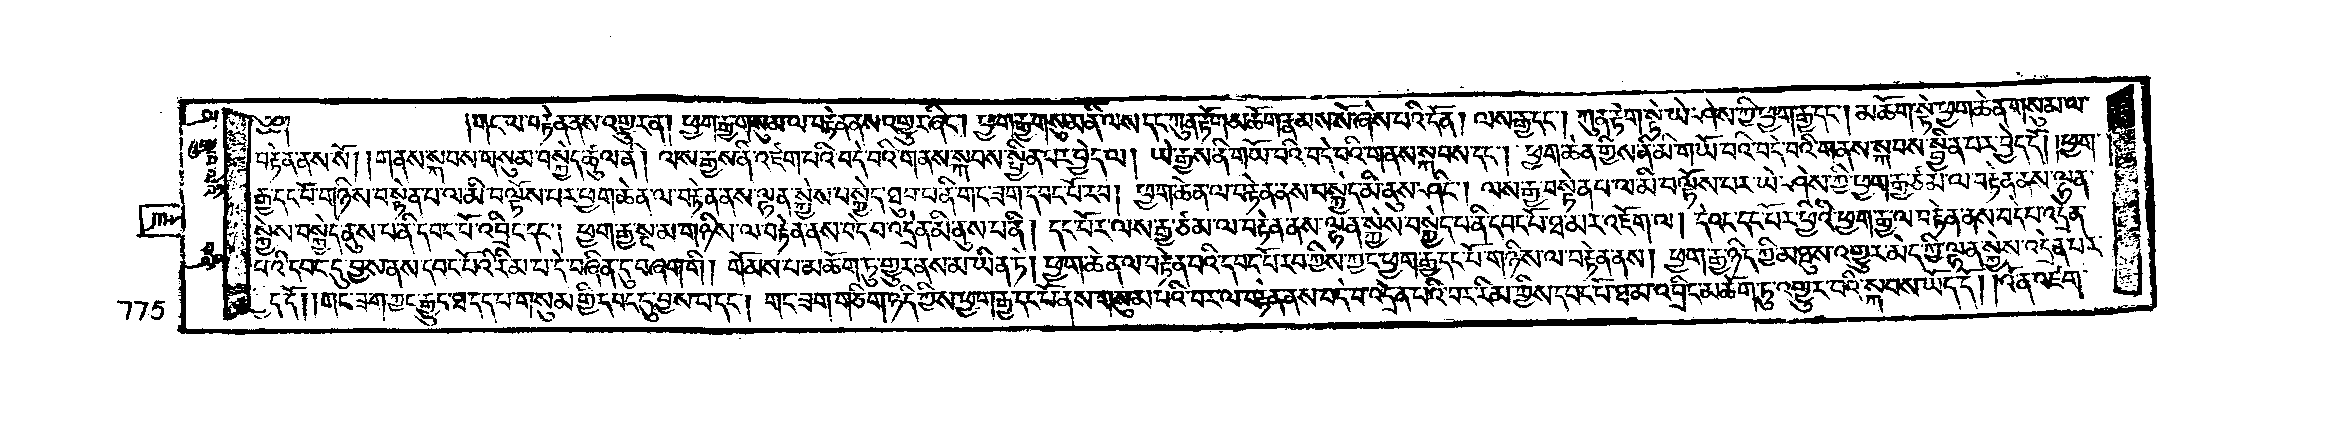༄༅། །གང་ལ་བརྟེན་ནས་འགྱུར་ན། ཕྱག་རྒྱ་གསུམ་ལ་བརྟེན་ནས་འགྱུར་ཞིང་། ཕྱག་རྒྱ་གསུམ་ནི་ལས་དང་ཀུན་རྟོག་མཆོག་རྣམས་སོ་ཞེས་པའི་དོན། ལས་རྒྱ་དང་། ཀུན་རྟོག་སྟེ་ཡེ་ཤེས་ཀྱི་ཕྱག་རྒྱ་དང་། མཆོག་སྟེ་ཕྱག་ཆེན་གསུམ་ལ་
བརྟེན་ནས་སོ། །གནས་སྐབས་གསུམ་བསྐྱེད་ཚུལ་ནི། ལས་རྒྱས་ནི་འཛག་པའི་བདེ་བའི་གནས་སྐབས་སྦྱིན་པར་བྱེད་ལ། ཡེ་རྒྱས་ནི་གཡོ་བའི་བདེ་བའི་གནས་སྐབས་དང་། ཕྱག་ཆེན་གྱིས་ནི་མི་གཡོ་བའི་བདེ་བའི་གནས་སྐབས་སྦྱིན་པར་བྱེད་དོ། །ཕྱག་
རྒྱ་དང་པོ་གཉིས་བསྟེན་པ་ལ་མི་བལྟོས་པར་ཕྱག་ཆེན་ལ་བརྟེན་ནས་ལྷན་སྐྱེས་བསྐྱེད་ཐུབ་པ་ནི་གང་ཟག་དབང་པོ་རབ། ཕྱག་ཆེན་ལ་བརྟེན་ནས་བསྐྱེད་མི་ནུས་ཤིང་། ལས་རྒྱ་བསྟེན་པ་ལ་མི་བལྟོས་པར་ཡེ་ཤེས་ཀྱི་ཕྱག་རྒྱ་ཙམ་ལ་བརྟེན་ནས་ལྷན་
སྐྱེས་བསྐྱེད་ནུས་པ་ནི་དབང་པོ་འབྲིང་དང་། ཕྱག་རྒྱ་སྔ་མ་གཉིས་ལ་བརྟེན་ནས་བདེ་བ་འདྲེན་མི་ནུས་པ་ནི། དང་པོར་ལས་རྒྱ་ཙམ་ལ་བརྟེན་ནས་ལྷན་སྐྱེས་བསྐྱེད་པ་ནི་དབང་པོ་ཐ་མར་འཇོག་ལ། དེའང་དང་པོར་ཕྱིའི་ཕྱག་རྒྱ་ལ་བརྟེན་ནས་བདེ་བ་འདྲེན་
པའི་དབང་དུ་བྱས་ནས་དབང་པོའི་རིམ་པ་དེ་བཞིན་དུ་བཞག་གི །གོམས་པ་མཆོག་ཏུ་གྱུར་ནས་མ་ཡིན་ཏེ། ཕྱག་ཆེན་ལ་བརྟེན་པའི་དབང་པོ་རབ་ཀྱིས་ཀྱང་ཕྱག་རྒྱ་དང་པོ་གཉིས་ལ་བརྟེན་ནས། ཕྱག་རྒྱ་ཉིད་ཀྱི་མཐུས་འགྱུར་མེད་ཀྱི་ལྷན་སྐྱེས་འདྲེན་པར་
བྱེད་དོ། །གང་ཟག་ཀྱང་རྒྱུད་ཐ་དད་པ་གསུམ་གྱི་དབང་དུ་བྱས་པ་དང་། གང་ཟག་གཅིག་ཉིད་ཀྱིས་ཕྱག་རྒྱ་དང་པོ་ནས་གསུམ་པའི་བར་ལ་བརྟེན་ནས་བདེ་བ་འདྲེན་པའི་བར་རིམ་གྱིས་དབང་པོ་ཐ་མ་འབྲིང་མཆོག་ཏུ་འགྱུར་བའི་སྐབས་ཡོད་དོ། །འོ་ན་འཛག་